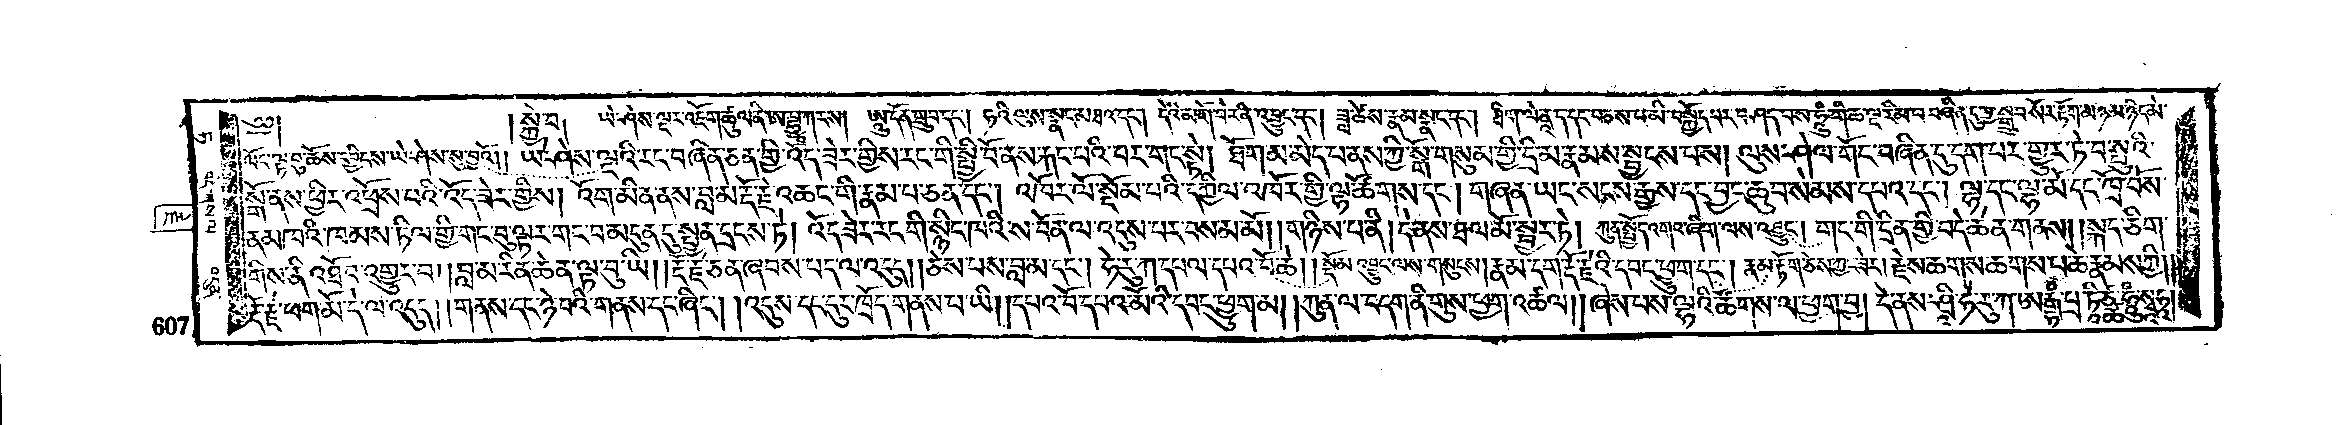༄༅། །སྐྱེ་བ། ཡེ་ཤེས་ལྔར་འཇོག་ཚུལ་ནི་ཨ་བྷྱཱ་ཀ་རས། ཨཱུ་དོན་གྲུབ་དང་། ཧའི་ལུས་སྣང་མཐའ་དང་། དེའི་མགོ་བོ་རིན་འབྱུང་དང་། ཟླ་ཚེས་རྣམ་སྣང་དང་། ཐིག་ལེ་ནཱ་ད་དང་བཅས་པ་མི་བསྐྱོད་པར་བཤད་པས་ཧཱུཾ་གི་ཆ་ལྔ་རིམ་པ་བཞིན་དུ་བྱ་སྒྲུབ་སོར་རྟོག་མཉམ་ཉིད་མེ་
ལོང་ལྟ་བུ་ཆོས་དབྱིངས་ཡེ་ཤེས་སུ་བྱའོ། །ཡེ་ཤེས་ལྔའི་རང་བཞིན་ཅན་གྱི་འོད་ཟེར་གྱིས་རང་གི་སྤྱི་བོ་ནས་རྐང་པའི་བར་གང་སྟེ། ཐོག་མ་མེད་པ་ནས་ཀྱི་སྒོ་གསུམ་གྱི་དྲི་མ་རྣམས་སྦྱངས་པས། ལུས་ཤེལ་གོང་བཞིན་དུ་དག་པར་གྱུར་ཏེ་བ་སྤུའི་
སྒོ་ནས་ཕྱིར་འཕྲོས་པའི་འོད་ཟེར་གྱིས། འོག་མིན་ནས་བླ་མ་རྡོ་རྗེ་འཆང་གི་རྣམ་པ་ཅན་དང་། འཁོར་ལོ་སྡོམ་པའི་དཀྱིལ་འཁོར་གྱི་ལྷ་ཚོགས་དང་། གཞན་ཡང་སངས་རྒྱས་དང་བྱང་ཆུབ་སེམས་དཔའ་དང་། ལྷ་དང་ལྷ་མོ་དང་ཁྲོ་བོས་
ནམ་མཁའི་ཁམས་ཏིལ་གྱི་གང་བུ་ལྟར་གང་བ་མདུན་དུ་སྤྱན་དྲངས་ཏེ། འོད་ཟེར་རང་གི་སྙིང་ཁའི་ས་བོན་ལ་འདུས་པར་བསམ་མོ། །གཉིས་པ་ནི། དེ་ནས་ཐལ་མོ་སྦྱར་ཏེ། ཀུན་སྤྱོད་འགའ་ཞིག་ལས་འབྱུང་།  གང་གི་དྲིན་གྱི་བདེ་ཆེན་གནས། །སྐད་ཅིག་
གིས་ནི་འཐོབ་འགྱུར་བ། །བླ་མ་རིན་ཆེན་ལྟ་བུ་ཡི། །རྡོ་རྗེ་ཅན་ཞབས་པད་ལ་འདུད། །ཅེས་པས་བླ་མ་དང་། ཧེ་རུ་ཀ་དཔལ་དཔའ་བོ་ཆེ། ། སྡོམ་འབྱུང་ལས་གསུངས།  རྣམ་དག་རྡོ་རྗེའི་དབང་ཕྱུག་དང་། རྣམ་རྟོག་ཅེས་ཀྱང་ཟེར།  རྗེས་ཆགས་ཆགས་པ་ཆེ་རྣམས་ཀྱི། །
རྡོ་རྗེ་ཕག་མོ་དེ་ལ་འདུད། །གནས་དང་ཉེ་བའི་གནས་དང་ཞིང་། །འདུས་དང་དུར་ཁྲོད་གནས་པ་ཡི། །དཔའ་བོ་དཔའ་མོའི་དབང་ཕྱུག་མ། །ཀུན་ལ་བདག་ནི་གུས་ཕྱག་འཚལ། །ཞེས་པས་ལྷའི་ཚོགས་ལ་ཕྱག་བྱ། དེ་ནས་ཤྲཱི་ཧེ་རུ་ཀ་ཨརྒྷཾ་པྲ་ཏཱི་ཙྪ་ཧཱུཾ་སྭཱཧཱ།